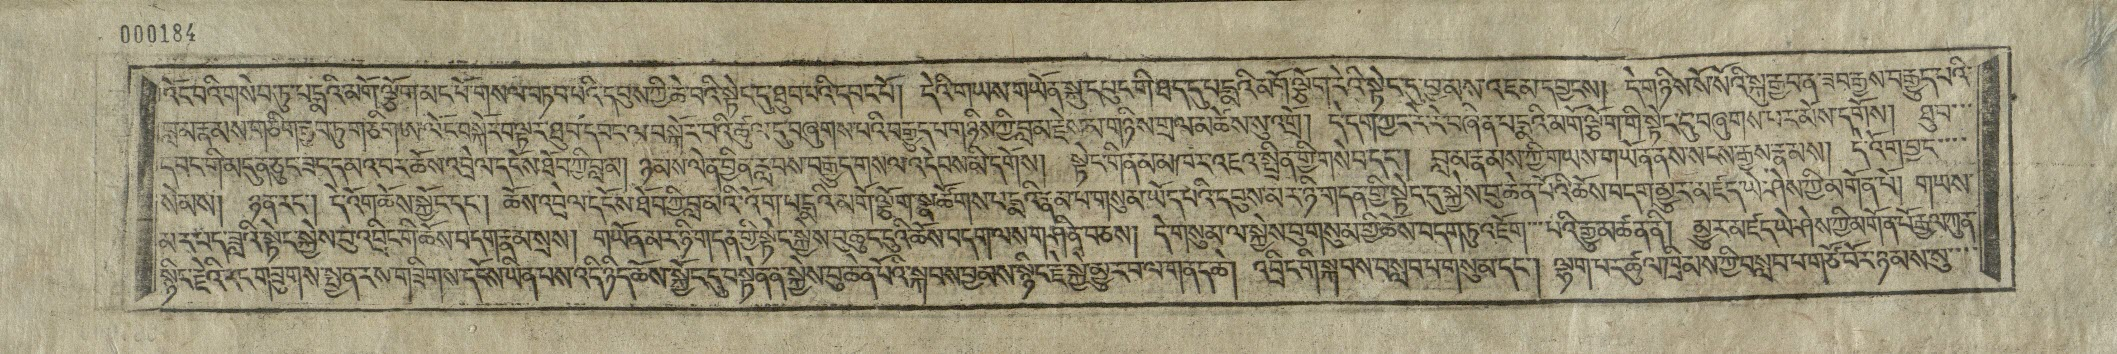འོང་བའི་གསེབ་ཏུ་པདམའི་མགོ་ལྕོག་མང་པོ་གསལ་བཏབ་པའི་དབུས་ཀྱི་ཆེ་བའི་སྟེང་དུ་ཐུབ་པའི་དབང་པོ། དེའི་གཡས་གཡོན་སྐུ་དཔུང་གི་ཐད་དུ་པདམའི་མགོ་ལྕོག་རེའི་སྟེང་དུ་བྱམས་འཇམ་དབྱངས། དེ་གཉིས་སོ་སོའི་སྐུ་རྒྱབ་ན་ཟབ་རྒྱས་བརྒྱུད་པའི་
བླ་མ་རྣམས་གཅིག་རྒྱབ་ཏུ་གཅིག་ཨ་ལོང་བསྐོར་བ་ལྟར་ཐུབ་དབང་ལ་བསྐོར་བའི་ཚུལ་དུ་བཞུགས་པའི་བརྒྱུད་པ་གཉིས་ཀྱི་བླ་མ་རྗེས་མ་གཉིས་གྲལ་མཚེས་སུ་འགྲོ། དེ་དག་ཀྱང་རེ་རེ་བཞིན་པདམའི་མགོ་ལྕོག་གི་སྟེང་དུ་བཞུགས་པར་མོས་དགོས། ཐུབ་
དབང་གི་མདུན་ཅུང་ཟད་དམའ་བར་ཆོས་འབྲེལ་དངོས་ཐོབ་ཀྱི་བླ་མ། ཉམས་ལེན་བྱིན་རླབས་བརྒྱུད་གསལ་འདེབས་མི་དགོས། སྟེང་གི་ནམ་མཁར་འཇའ་སྤྲིན་གྱི་གསེབ་དང་། བླ་མ་རྣམས་ཀྱི་གཡས་གཡོན་ནས་སངས་རྒྱས་རྣམས། དེ་འོག་བྱང་
སེམས། ཉན་རང་། དེ་འོག་ཆོས་སྐྱོང་དང་། ཆོས་འབྲེལ་དངོས་ཐོབ་ཀྱི་བླ་མའི་འོག་པདམའི་མགོ་ལྕོག་སྣ་ཚོགས་པདམའི་རྣམ་པ་གསུམ་ཡོད་པའི་དབུས་མར་ཉི་གདན་གྱི་སྟེང་དུ་སྐྱེས་བུ་ཆེན་པོའི་ཆོས་བདག་མྱུར་མཛད་ཡེ་ཤེས་ཀྱི་མགོན་པོ། གཡས་
མར་པད་ཟླའི་སྟེང་སྐྱེས་བུ་འབྲིང་གི་ཆོས་བདག་རྣམ་སྲས། གཡོན་མར་ཉི་གདན་གྱི་སྟེང་སྐྱེས་བུ་ཆུང་ངུའི་ཆོས་བདག་ལས་གཤིན་བཅས། དེ་གསུམ་ལ་སྐྱེས་བུ་གསུམ་གྱི་ཆོས་བདག་ཏུ་འཇོག་པའི་རྒྱུ་མཚན་ནི། མྱུར་མཛད་ཡེ་ཤེས་ཀྱི་མགོན་པོ་རྒྱལ་ཀུན་
སྙིང་རྗེའི་རང་གཟུགས་སྤྱན་རས་གཟིགས་དངོས་ཡིན་པས་འདི་ཉིད་ཆོས་སྐྱོང་དུ་བསྟེན་ན་སྐྱེས་བུ་ཆེན་པོའི་སྐབས་བྱམས་སྙིང་རྗེ་སྐྱེ་མྱུར་བ་ལ་གནད་ཆེ། འབྲིང་གི་སྐབས་བསླབ་པ་གསུམ་དང་། ལྷག་པར་ཚུལ་ཁྲིམས་ཀྱི་བསླབ་པ་གཙོ་བོར་ཉམས་སུ་